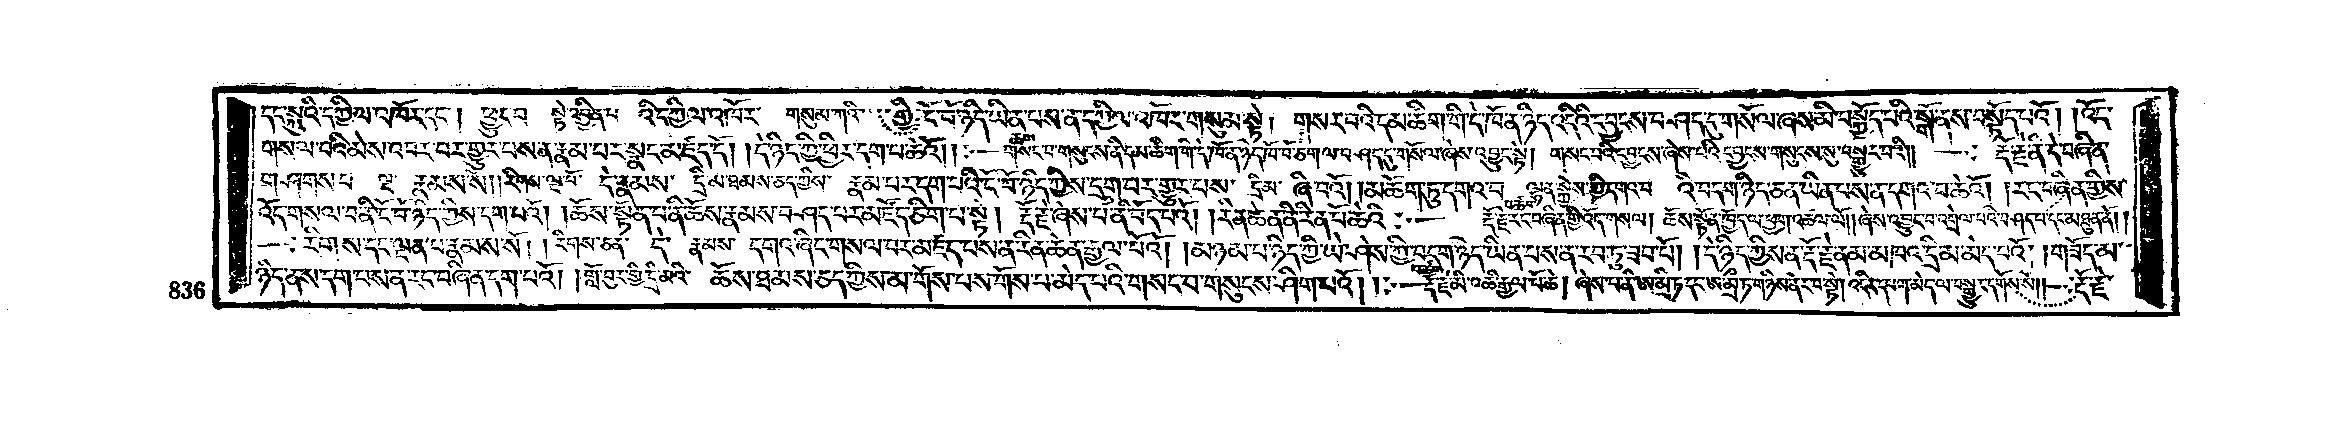དང་སྐུའི་དཀྱིལ་འཁོར་དང་། ཕྱུང་བ་སྟེ་འབྱིན་པའི་དཀྱིལ་འཁོར་གསུམ་གའི་གྱི་ངོ་བོ་ཉིད་ཡིན་པས་ན་དཀྱིལ་འཁོར་གསུམ་སྟེ། གསང་བའི་དམ་ཚིག་གི་དེ་ཁོ་ན་ཉིད་འདིའི་དབྱངས་བཤད་དུ་གསོལ་ཞས་མི་བསྐྱོད་པའི་སྒོ་ནས་བསྟོད་པའོ། །འོད་
གསལ་བའི་མེས་འབར་བར་གྱུར་པས་ན་རྣམ་པར་སྣང་མཛད་དོ། །དེ་ཉིད་ཀྱི་ཕྱིར་དག་པ་ཆེའོ། །H.་ཆག་གསང་བ་གསུངས་ནི་དམ་ཚིག་གི་དེ་ཁོ་ན་ཉིད་ཁོ་བོ་ཅག་ལ་བཤད་དུ་གསོལ་ཞེས་འབྱུང་སྟེ། གསང་བའི་དབྱངས་ཞེས་པའི་དབྱངས་གསུངས་སུ་བསྒྱུར་བའོ།།  .H རྡོ་རྗེ་ནི་དེ་བཞིན་
གཤེགས་པ་ལྔ་རྣམས་སོ། ། རིགས་ལྔ་པོ་དེ་རྣམས་དྲི་མ་ཐམས་ཅད་ཀྱིས་རྣམ་པར་དག་པའི་ངོ་བོ་ཉིད་ཀྱིས་དྲུག་པར་གྱུར་པས་དྲི་མ་ཞི་བའོ། །མཆོག་ཏུ་དགའ་བ་ལྷན་སྐྱེས་ཀྱི་དགའ་བའི་བདག་ཉིད་ཅན་ཡིན་པས་ན་དགའ་བ་ཆེའོ། །རང་བཞིན་གྱིས་
འོད་གསལ་བ་ནི་ངོ་བོ་ཉིད་ཀྱིས་དག་པའོ། །ཆོས་སྟོན་པ་ནི་ཆོས་རྣམས་བཤད་པར་མཛོད་ཅིག་པ་སྟེ། རྡོ་རྗེ་ཞེས་པ་ནི་བོད་པའོ། །རིན་ཆེན་ནི་རིན་པོ་ཆེའི་H.་རྡོ་རྗེ་པ་ཚབ་རང་བཞིན་གྱི་འོད་གསལ། ཆོས་སྟོན་ཁྱོད་ལ་ཕྱག་འཚལ་ལོ། །ཞེས་འབྱུང་བ་འགྲེལ་བའི་བཤད་པ་དང་མཐུན་ནོ། །
.H རིགས་དང་ལྡན་པ་རྣམས་སོ། ། རིགས་ཅན་དེ་རྣམས་དགའ་ཞིང་གསལ་བར་མཛད་པས་ན་རིན་ཆེན་རྒྱལ་པོའོ། །མཉམ་པ་ཉིད་ཀྱི་ཡེ་ཤེས་ཀྱི་བདག་ཉིད་ཡིན་པས་ན་རབ་ཏུ་ཟབ་པོ། །དེ་ཉིད་ཀྱིས་ན་རྡོ་རྗེ་ནམ་མཁའ་དྲི་མ་མེད་པའོ། །གཟོད་མ་
ཉིད་ནས་དག་པས་ན་རང་བཞིན་དག་པའོ། ། གློ་བུར་གྱི་དྲི་མའི་ཆོས་ཐམས་ཅད་ཀྱིས་མ་གོས་པས་གོས་པ་མེད་པའི་གསང་བ་གསུངས་ཤིག་པའོ། །H.་པ་ཚབ་རྡོ་རྗེ་མི་འཆི་རྒྱལ་པོ་ཆེ། ཞེས་པ་ནི་ཨ་མྲི་ཏ་དང་ཨ་མྲི་ཏ་གཉིས་ནོར་བ་སྟེ། འདིར་དཔག་མེད་ལ་བསྒྱུར་དགོས་སོ། །  .H རྡོ་རྗེ་